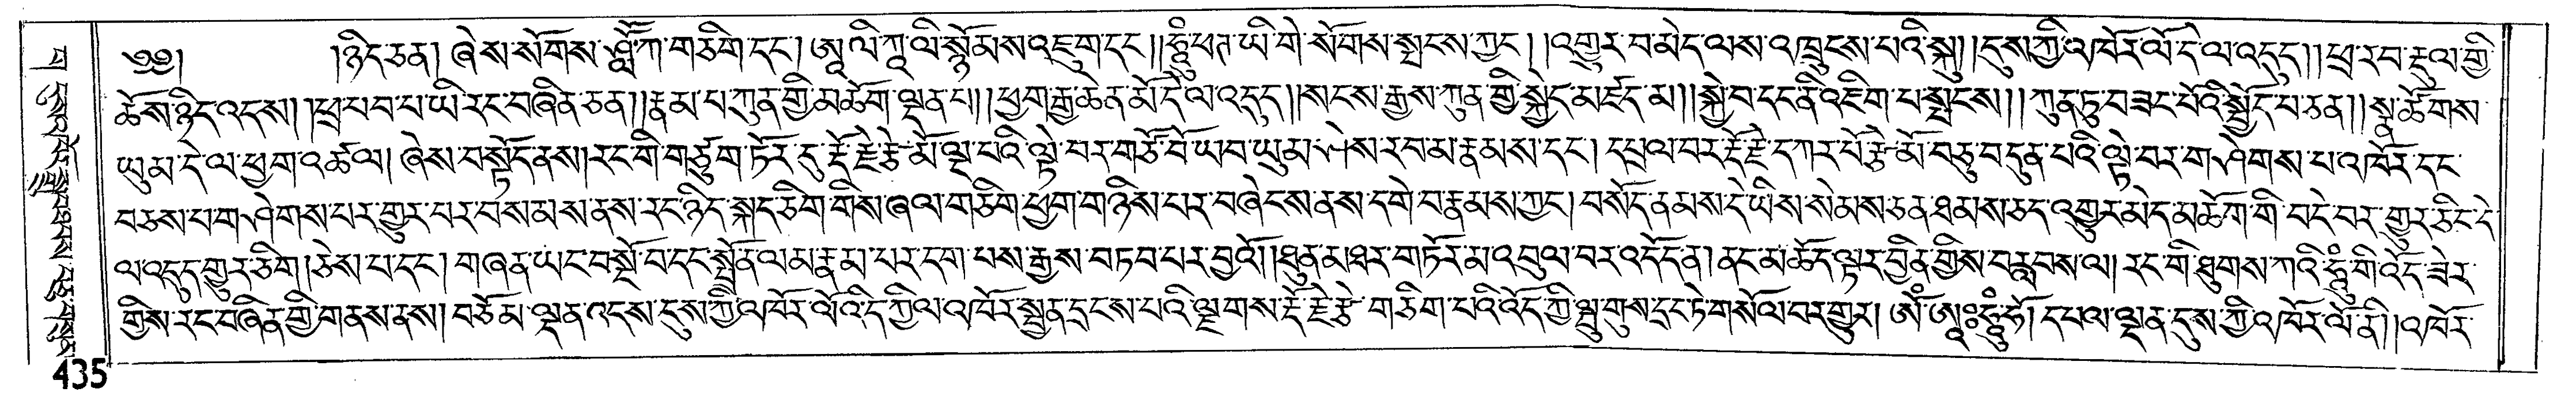༄༅། །ཉིད་ཅན། ཞེས་སོགས་ཤླཽ་ཀ་གཅིག་དང་། ཨཱ་ལི་ཀཱ་ལི་སྙོམས་འཇུག་དང་། །ཧཱུཾ་ཕཊ་ཡི་གེ་སོགས་སྤངས་ཀྱང་། །འགྱུར་བ་མེད་ལས་འཁྲུངས་པའི་སྐུ། །དུས་ཀྱི་འཁོར་ལོ་དེ་ལ་འདུད། །ཕྲ་རབ་རྡུལ་གྱི་
ཆོས་ཉིད་འདས། །ཕྲ་བབ་པ་ཡི་རང་བཞིན་ཅན། །རྣམ་པ་ཀུན་གྱི་མཆོག་ལྡན་པ། །ཕྱག་རྒྱ་ཆེན་མོ་དེ་ལ་འདུད། །སངས་རྒྱས་ཀུན་གྱི་སྐྱེད་མཛད་མ། །སྐྱེ་བ་དང་ནི་འཇིག་པ་སྤངས། །ཀུན་ཏུ་བཟང་པོའི་སྤྱོད་པ་ཅན། །སྣ་ཚོགས་
ཡུམ་དེ་ལ་ཕྱག་འཚལ། ཞེས་བསྟོད་ནས། རང་གི་གཙུག་ཏོར་དུ་རྡོ་རྗེ་རྩེ་མོ་ལྔ་པའི་ལྟེ་བར་གཙོ་བོ་ཡབ་ཡུམ་ཤེས་རབ་མ་རྣམས་དང་། དཔྲལ་བར་རྡོ་རྗེ་དཀར་པོ་རྩེ་མོ་བཅུ་བདུན་པའི་ལྟེ་བར་གཤེགས་པ་འཁོར་དང་
བཅས་པ་གཤེགས་པར་གྱུར་པར་བསམས་ནས་རང་ཉིད་སྐད་ཅིག་གིས་ཞལ་གཅིག་ཕྱག་གཉིས་པར་བཞེངས་ནས་དགེ་བ་རྣམས་ཀྱང་། བསོད་ནམས་དེ་ཡིས་སེམས་ཅན་ཐམས་ཅད་འགྱུར་མེད་མཆོག་གི་བདེ་བར་གྱུར་ཅིང་དེ་
ལ་འདུད་གྱུར་ཅིག །ཅེས་པ་དང་། གཞན་ཡང་བསྔོ་བ་དང་སྤྲོ་ན་ལམ་རྣམ་པར་དག་པས་རྒྱས་བཏབ་པར་བྱའོ། །ཐུན་མཐར་གཏོར་མ་འབུལ་བར་འདོད་ན། ནང་མཆོད་ལྟར་བྱིན་གྱིས་བརླབས་ལ། རང་གི་ཐུགས་ཀའི་ཧཱུཾ་གི་འོད་ཟེར་
གྱིས་རང་བཞིན་གྱི་གནས་ནས། བཅོམ་ལྡན་འདས་དུས་ཀྱི་འཁོར་ལོའི་དཀྱིལ་འཁོར་སྤྱན་དྲངས་པའི་ལྗགས་རྡོ་རྗེ་རྩེ་གཅིག་པའི་འོད་ཀྱི་ལྦུ་གུས་དྲང་ཏེ་གསོལ་བར་གྱུར། ཨོཾ་ཨཱཿ ཧཱུཾ་ཧོ། དཔལ་ལྡན་དུས་ཀྱི་འཁོར་ལོ་ནི། །འཁོར་